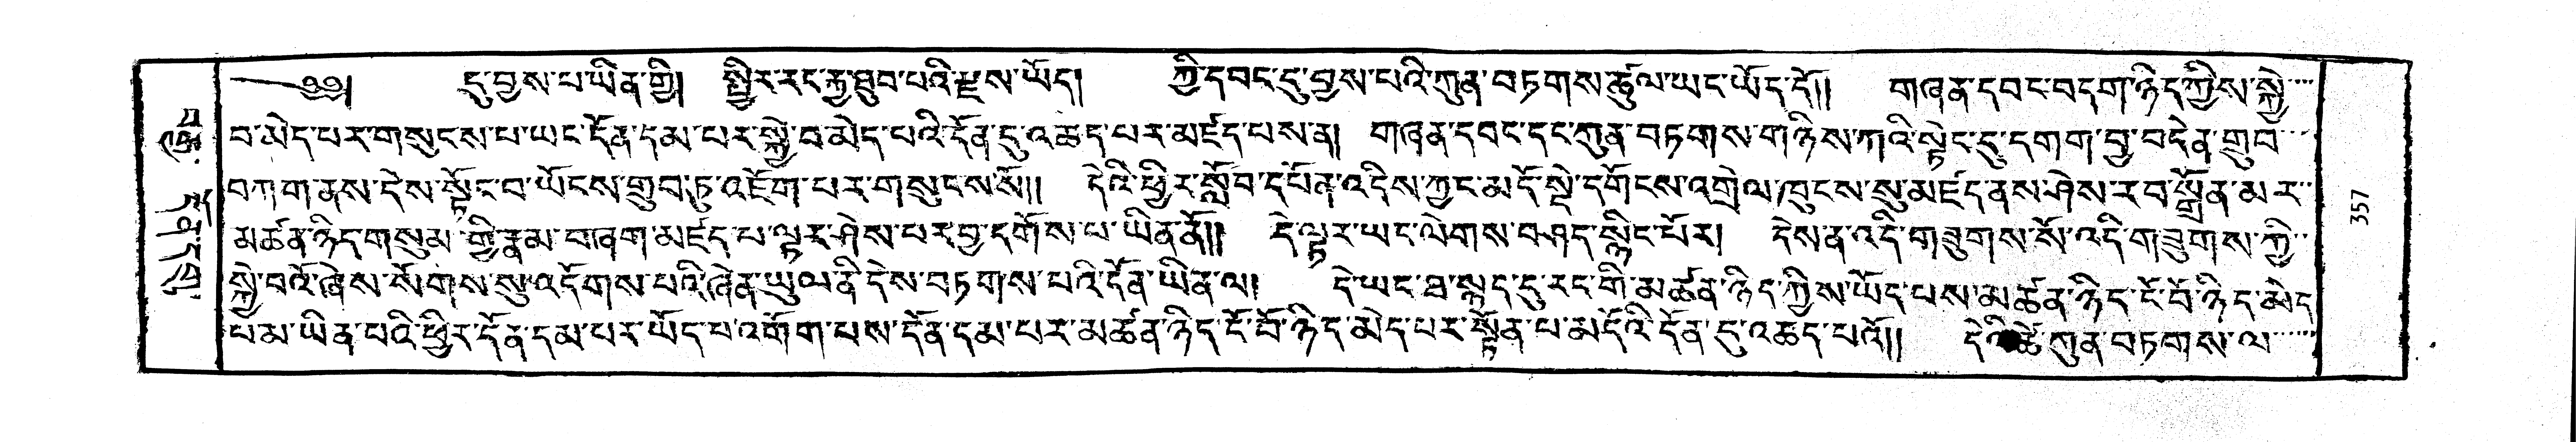༄༅། །དུ་བྱས་པ་ཡིན་གྱི། སྤྱིར་རང་རྐྱ་ཐུབ་པའི་རྫས་ཡོད། ཀྱི་དབང་དུ་བྱས་པའི་ཀུན་བཏགས་ཚུལ་ཡང་ཡོད་དོ།། གཞན་དབང་བདག་ཉིད་ཀྱིས་སྐྱེ་
བ་མེད་པར་གསུངས་པ་ཡང་དོན་དམ་པར་སྐྱེ་བ་མེད་པའི་དོན་དུ་འཆད་པར་མཛད་པས་ན། གཞན་དབང་དང་ཀུན་བཏགས་གཉིས་ཀའི་སྟེང་དུ་དགག་བྱ་བདེན་གྲུབ་
བཀག་ནས་དེས་སྟོང་བ་ཡོངས་གྲུབ་ཏུ་འཇོག་པར་གསུངས་སོ།། དེའི་ཕྱིར་སློབ་དཔོན་འདིས་ཀྱང་མདོ་སྡེ་དགོངས་འགྲེལ་ཁུངས་སུ་མཛད་ནས་ཤེས་རབ་སྒྲོན་མར་
མཚན་ཉིད་གསུམ་གྱི་རྣམ་བཞག་མཛད་པ་ལྟར་ཤེས་པར་བྱ་དགོས་པ་ཡིན་ནོ།། དེ་ལྟར་ཡང་ལེགས་བཤད་སྙིང་པོར། དེས་ན་འདི་གཟུགས་སོ་འདི་གཟུགས་ཀྱི་
སྐྱེ་བའོ་ཞེས་སོགས་སུ་འདོགས་པའི་ཞེན་ཡུལ་ནི་དེས་བཏགས་པའི་དོན་ཡིན་ལ། དེ་ཡང་ཐ་སྙད་དུ་རང་གི་མཚན་ཉིད་ཀྱིས་ཡོད་པས་མཚན་ཉིད་ངོ་བོ་ཉིད་མེད་
པ་མ་ཡིན་པའི་ཕྱིར་དོན་དམ་པར་ཡོད་པ་འགོག་པས་དོན་དམ་པར་མཚན་ཉིད་ངོ་བོ་ཉིད་མེད་པར་སྟོན་པ་མདོའི་དོན་དུ་འཆད་པའོ།། དེའི་ཚེ་ཀུན་བཏགས་ལ་